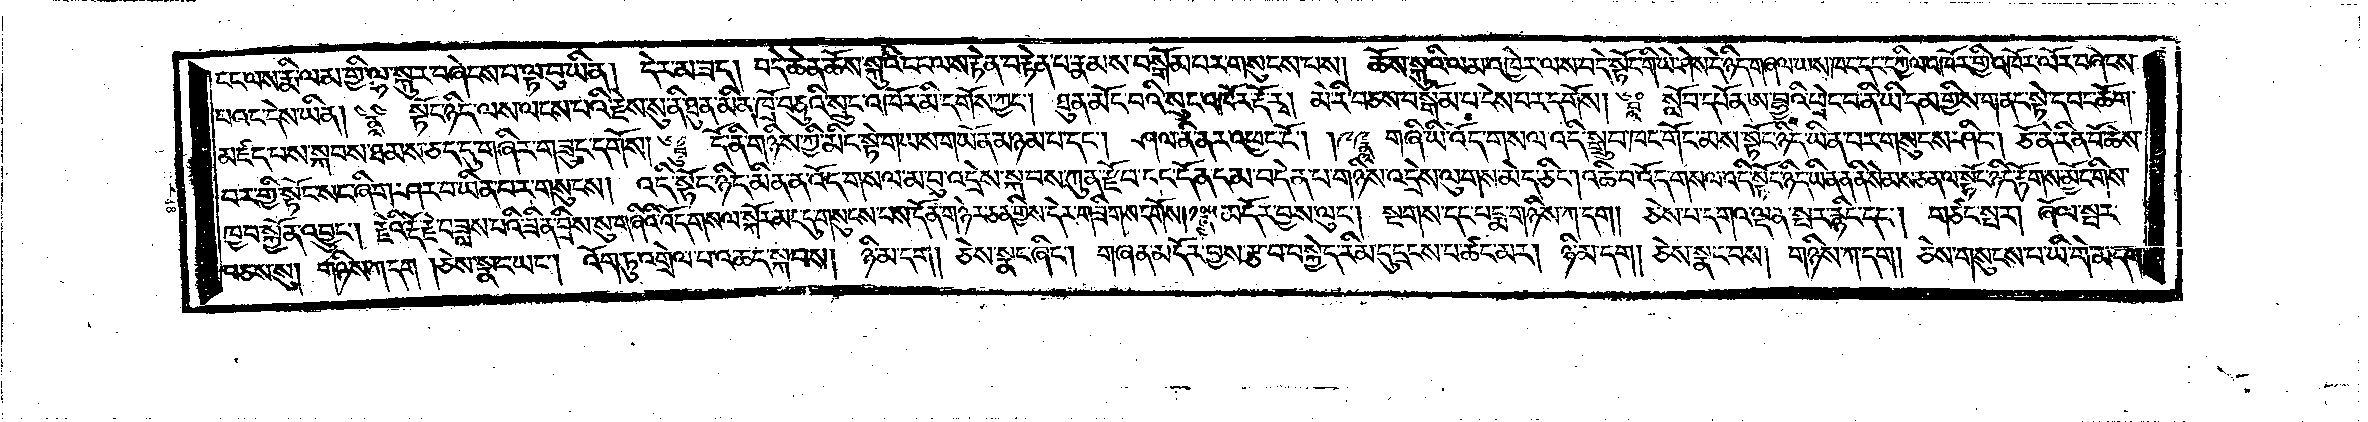ངང་ལས་རྨི་ལམ་གྱི་ལྷ་སྐུར་བཞེངས་པ་ལྟ་བུ་ཡིན། དེར་མ་ཟད། བདེ་ཆེན་ཆོས་སྐུའི་ངང་ལས་རྟེན་བརྟེན་པ་རྣམས་བསྒོམ་པར་གསུངས་པས། ཆོས་སྐུའི་ལམ་འཁྱེར་ལས་བདེ་སྟོང་གི་ཡེ་ཤེས་དེ་ཉིད་གཞལ་ཡས་ཁང་དང་དཀྱིལ་འཁོར་ཀྱི་འཁོར་ལོར་བཞེངས་
བའང་དེས་ཡིན། ༤༤ན༢་སྟོང་ཉིད་ལས་ལངས་པའི་རྗེས་སུ་ནི་ཐུན་མིན་ཁྲོ་བཅུའི་སྲུང་འཁོར་མི་དགོས་ཀྱང་། ཐུན་མོང་བའི་སྲུང་འཁོར་རྡོ་རྭ། མེ་རི་བཅས་བསྒོམ་པ་ངེས་པར་དགོས། ༦༠བ༣་སློབ་དཔོན་ཨ་བྷྱའི་ཕྲེང་བ་ནི་ཡི་དམ་གྱིས་གནང་སྟེ་དབང་ཆོག་
མཛད་པས་སྐབས་ཐམས་ཅད་དུ་གཞིར་གཟུང་དགོས། ༦༡བ༦་དོ་ནི་གཉིས་ཀྱི་མིང་སྟེ་གཡས་གཡོན་མཉམ་པ་དང་། ཤལ་ནི་ནར་འཕྱང་ངོ། །༩༩ན༣་གཞི་ཡི་འོད་གསལ་འདི་སྒྲུབ་ཁང་གོང་མས་སྟོང་ཉིད་ཡིན་པར་གསུངས་ཤིང་། ཅོ་ནེ་རིན་པོ་ཆེས་
བར་གྱི་སྟོང་སངས་ཞིག་ཤར་བ་ཡིན་པར་གསུངས། འདི་སྟོང་ཉིད་མིན་ན་འོད་གསལ་མ་བུ་འདྲེས་སྐབས་ཀུན་རྫོབ་དང་དོན་དམ་བདེན་པ་གཉིས་འདྲེས་ལུགས་མེད་ཅིང་།འཆི་བ་འོད་གསལ་འོད་གསལ་འདི་སྟོང་ཉིད་ཡིན་ན་ནི་སེམས་ཅན་ལ་སྟོང་ཉིད་རྟོགས་མྱོང་གིས་
ཁྱབ་སྐྱོན་འབྱུང་། རྗེའི་རྡོ་རྗེ་བཟླས་པའི་ཟིན་བྲིས་སུ་གཞིའི་འོད་གསལ་སྐོར་མང་དུ་གསུངས་པས་དོན་གཉེར་ཅན་གྱིས་དེར་གཟིགས་དགོས། ༡༠༥ན༤་མདོར་བྱས་ལུང་། སྔགས་དང་པདམ་གཉིས་ཀ་དག། ཅེས་པ་དགའ་ལྡན་སྤར་རྙིང་དང་། གཙང་སྤར། ཞོལ་སྦར་
བཅས་སུ། གཉིས་ཀ་དག །ཅེས་སྣང་ཡང་། འོག་ཏུ་འགྲེལ་པ་འཆད་སྐབས། ཉི་མ་དག། ཅེས་སྣང་ཞིང་། གཞན་མདོར་བྱས་རྩ་བ་བསྐྱེད་རིམ་དུ་དྲངས་པ་ཚང་མར། ཉི་མ་དག། ཅེས་སྣང་བས། གཉིས་ཀ་དག། ཅེས་གསུངས་པ་ཡི་གེ་མ་དག་